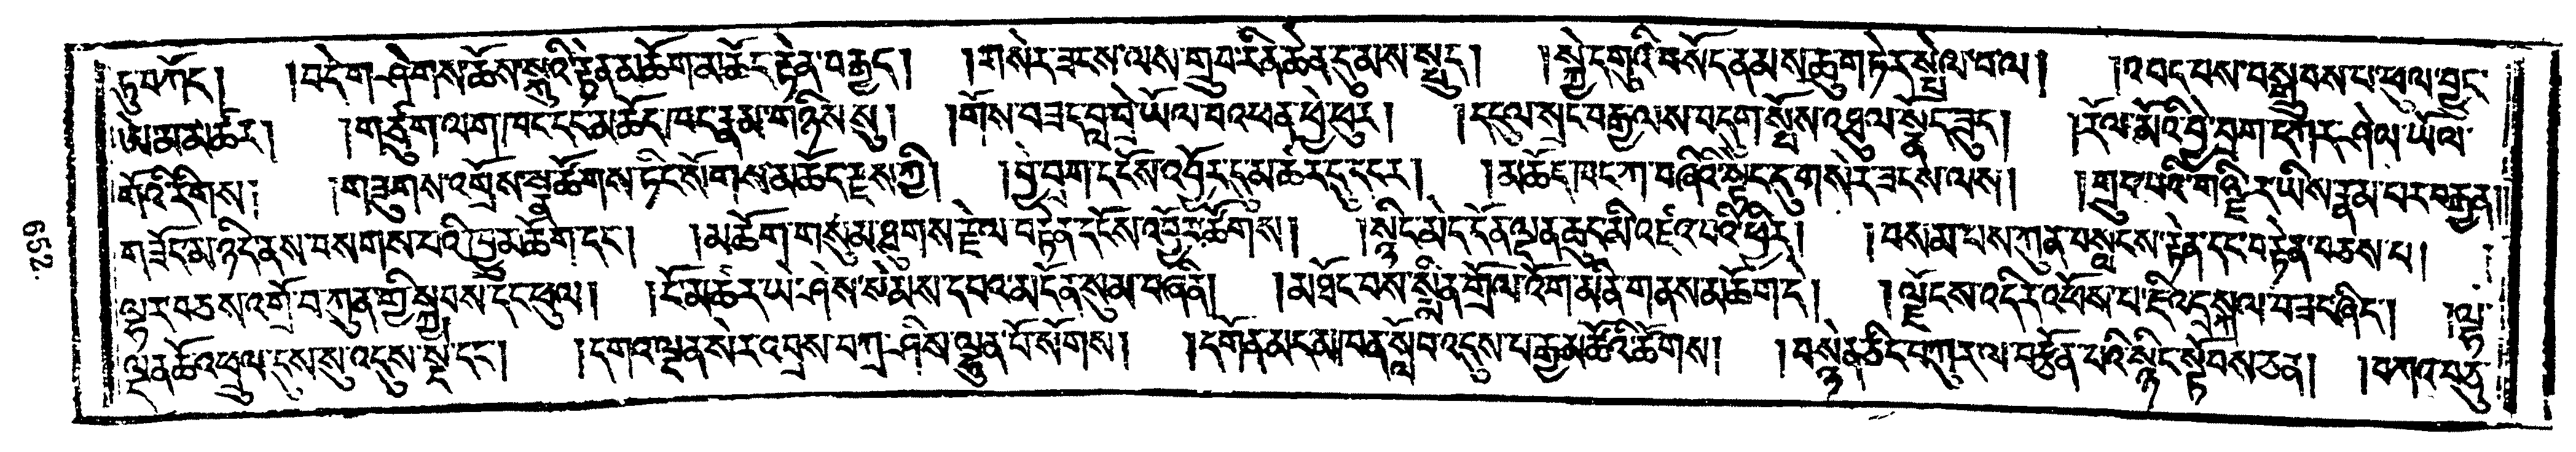ཏུ་བཀོད། །བདེ་གཤེགས་ཆོས་སྐུའི་རྟེན་མཆོག་མཆོད་རྟེན་བརྒྱད། །གསེར་ཟངས་ལས་གྲུབ་རིན་ཆེན་དུ་མས་སྤུད། །སྐྱེ་དགུའི་བསོད་ནམས་ཆུ་གཏེར་སྤེལ་བ་ལ། །འབད་པས་བསྒྲུབས་པ་ཕུལ་བྱུང་
ཨེ་མ་མཚར། །གཙུག་ལག་ཁང་དང་མཆོད་ཁང་རྣམ་གཉིས་སུ། །གོས་བཟང་བླ་བྲེ་ཡོལ་བ་འཕན་ཕྱེ་ཕུར། །དངུལ་སྲང་བརྒྱ་ལས་བདུག་སྤོས་འཐུལ་སྣོད་ཟུང་། །རོལ་མོའི་བྱེ་བྲག་དཀར་ཤེལ་ཡོལ་
གོའི་རིགས། །གཟུགས་འགྲོས་སྣ་ཚོགས་ཏིང་སོགས་མཆོད་རྫས་ཀྱི། །བྱེ་བྲག་དངོས་འབྱོར་དུ་མཚར་དུ་དངར། །མཆོད་ཁང་ཀ་བཞིའི་སྟེང་དུ་གསེར་ཟངས་ལས། །གྲུབ་པའི་གཉྫིར་ཡིས་རྣམ་པར་བརྒྱན།།
གཟོད་མ་ཉིད་ནས་བསགས་པའི་ཁྱུ་མཆོག་དང་། །མཆོག་གསུམ་ཐུགས་རྗེ་ལ་བརྟེན་དངོས་འབྱོར་ཚོགས། །སྙིང་མེད་དོན་ལྡན་ཆུད་མི་འཛའ་བའི་ཕྱིར། །བསམ་པས་ཀུན་བསླངས་རྟེན་དང་བརྟེན་བཅས་པ།།
ལྷར་བཅས་འགྲོ་བ་ཀུན་གྱི་སྐྱབས་དང་ཕུལ། །ངོ་མཚར་ཡེ་ཤེས་སེམས་དཔའ་མངོན་སུམ་བཞིན། །མཐོང་བས་སྨིན་གྲོལ་འོག་མིན་གནས་མཆོག་དེ། །ལྗོངས་འདིར་འཕོས་པ་ཇི་འདྲ་སྐལ་བཟང་ཞིང་། །ལྷ་
ལྡན་ཆོ་འཕྲུལ་དུས་སུ་འདུས་སྡེ་དང་། །དགའ་ལྡན་སེར་འབྲས་བཀྲ་ཤིས་ལྷུན་པོ་སོགས། །དགོན་མང་མཁན་སློབ་འདུས་པ་རྒྱ་མཚོའི་ཚོགས། །བསྙེན་ཅིང་བཀུར་ལ་བརྩོན་པའི་སྙིང་སྟོབས་ཅན། །བཀའ་བཅུ་